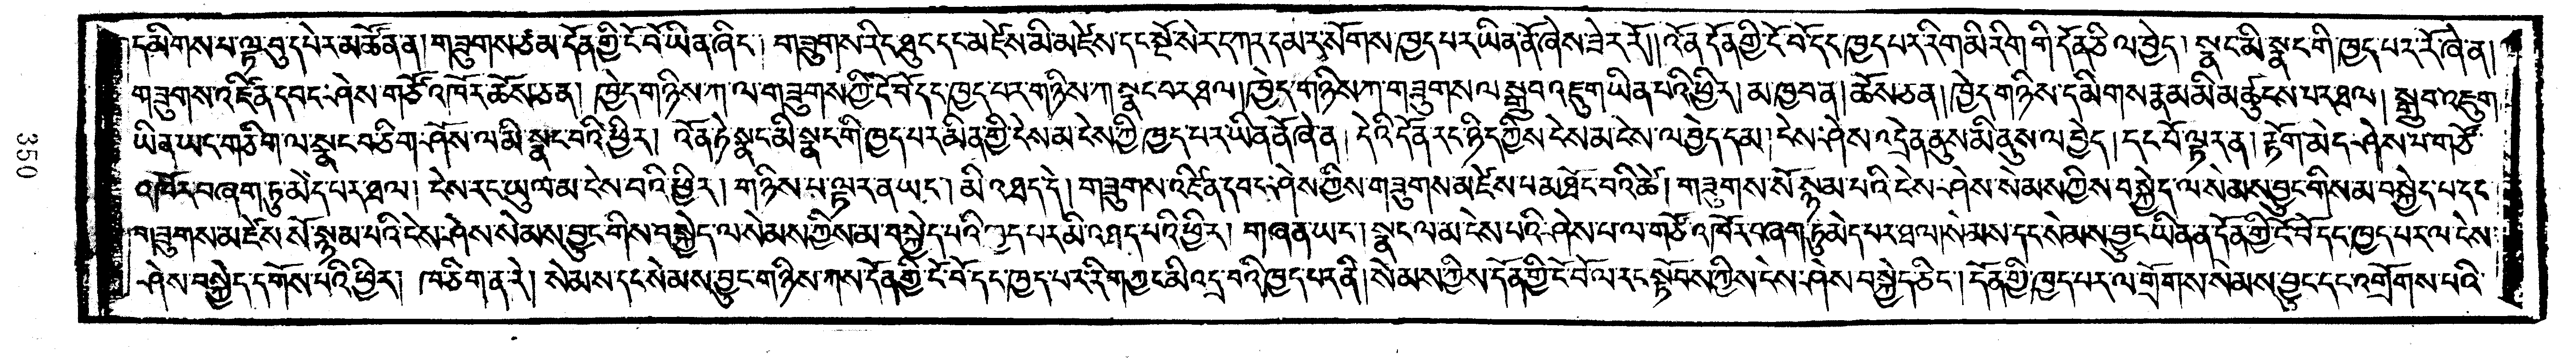དམིགས་པ་ལྟ་བུ་དཔེར་མཚོན་ན། གཟུགས་ཙམ་དོན་གྱི་ངོ་བོ་ཡིན་ཞིང་། གཟུགས་རིང་ཐུང་དང་མཛེས་མི་མཛེས་དང་སྔོ་སེར་དཀར་དམར་སོགས་ཁྱད་པར་ཡིན་ནོ་ཞེས་ཟེར་རོ། །འོ་ན་དོན་གྱི་ངོ་བོ་དང་ཁྱད་པར་རིག་མི་རིག་གི་དོན་ཅི་ལ་བྱེད། སྣང་མི་སྣང་གི་ཁྱད་པར་རོ་ཞེ་ན།
གཟུགས་འཛིན་དབང་ཤེས་གཙོ་འཁོར་ཆོས་ཅན། ཁྱེད་གཉིས་ཀ་ལ་གཟུགས་ཀྱི་ངོ་བོ་དང་ཁྱད་པར་གཉིས་ཀ་སྣང་བར་ཐལ། ཁྱེད་གཉིས་ཀ་གཟུགས་ལ་སྒྲུབ་འཇུག་ཡིན་པའི་ཕྱིར། མ་ཁྱབ་ན། ཆོས་ཅན། ཁྱེད་གཉིས་དམིགས་རྣམ་མི་མཚུངས་པར་ཐལ། སྒྲུབ་འཇུག་
ཡིན་ཡང་གཅིག་ལ་སྣང་བ་ཅིག་ཤོས་ལ་མི་སྣང་བའི་ཕྱིར། འོན་ཏེ་སྣང་མི་སྣང་གི་ཁྱད་པར་མིན་གྱི་ངེས་མ་ངེས་ཀྱི་ཁྱད་པར་ཡིན་ནོ་ཞེ་ན། དེའི་དོན་རང་ཉིད་ཀྱིས་ངེས་མ་ངེས་ལ་བྱེད་དམ། ངེས་ཤེས་འདྲེན་ནུས་མི་ནུས་ལ་བྱེད། དང་པོ་ལྟར་ན། རྟོག་མེད་ཤེས་པ་གཙོ་
འཁོར་བཞག་ཏུ་མེད་པར་ཐལ། དེས་རང་ཡུལ་མ་ངེས་པའི་ཕྱིར། གཉིས་པ་ལྟར་ན་ཡང་། མི་འཐད་དེ། གཟུགས་འཛིན་དབང་ཤེས་ཀྱིས་གཟུགས་མཛེས་པ་མཐོང་བའི་ཚེ། གཟུགས་སོ་སྙམ་པའི་ངེས་ཤེས་སེམས་ཀྱིས་བསྐྱེད་ལ་སེམས་བྱུང་གིས་མ་བསྐྱེད་པ་དང་།
གཟུགས་མཛེས་སོ་སྙམ་པའི་ངེས་ཤེས་སེམས་བྱུང་གིས་བསྐྱེད་ལ་སེམས་ཀྱིས་མ་བསྐྱེད་པའི་ཁྱད་པར་མི་འཐད་པའི་ཕྱིར། གཞན་ཡང་། སྣང་ལ་མ་ངེས་པའི་ཤེས་པ་ལ་གཙོ་འཁོར་བཞག་ཏུ་མེད་པར་ཐལ། སེམས་དང་སེམས་བྱུང་ཡིན་ན་དོན་གྱི་ངོ་བོ་དང་ཁྱད་པར་ལ་ངེས་
ཤེས་བསྐྱེད་དགོས་པའི་ཕྱིར། ཁ་ཅིག་ན་རེ། སེམས་དང་སེམས་བྱུང་གཉིས་ཀས་དོན་གྱི་ངོ་བོ་དང་ཁྱད་པར་རིག་ཀྱང་མི་འདྲ་བའི་ཁྱད་པར་ནི། སེམས་ཀྱིས་དོན་གྱི་ངོ་བོ་ལ་རང་སྟོབས་ཀྱིས་ངེས་ཤེས་བསྐྱེད་ཅིང་། དོན་གྱི་ཁྱད་པར་ལ་གྲོགས་སེམས་བྱུང་དང་འགྲོགས་པའི་